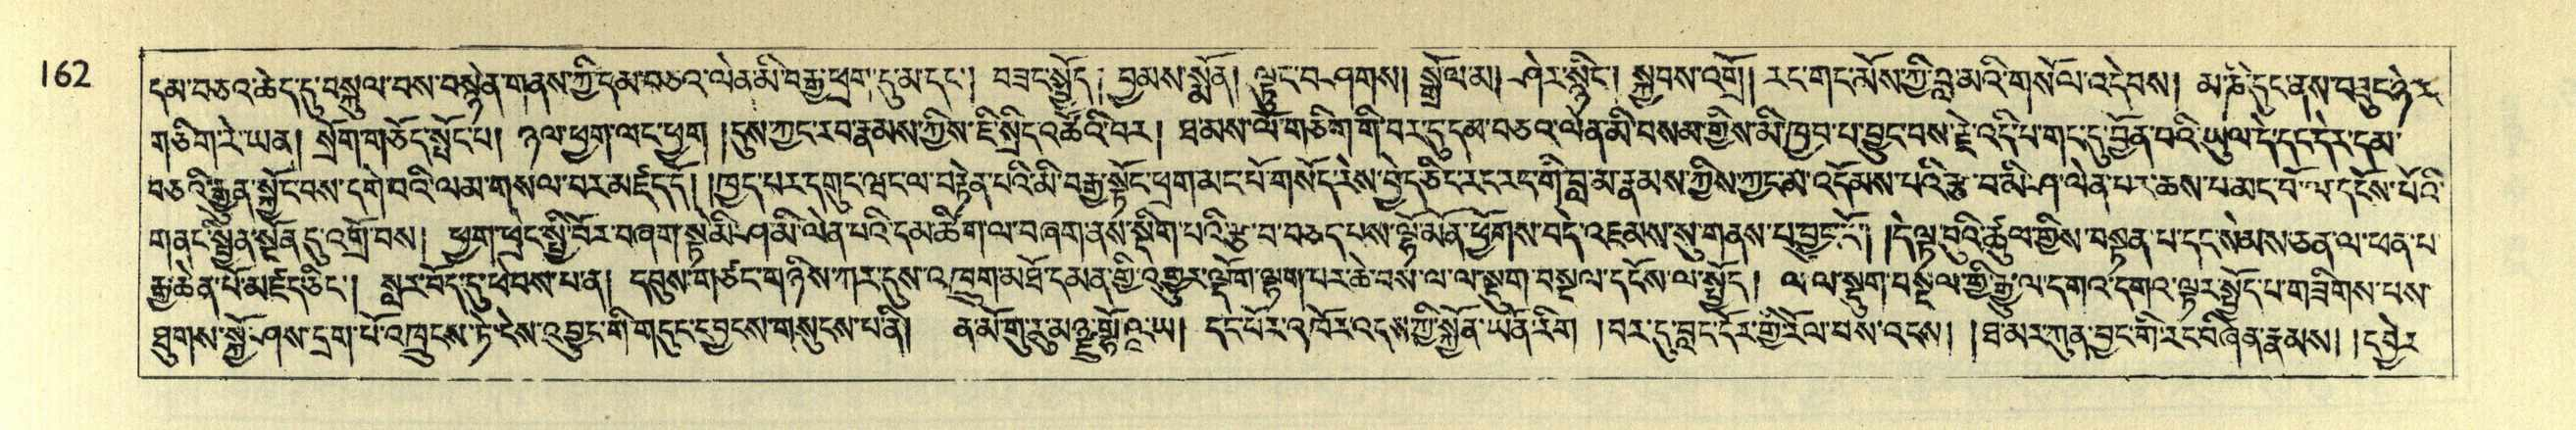དམ་བཅའ་ཆེད་དུ་བསྐུལ་བས་བསྙེན་གནས་ཀྱི་དམ་བཅའ་ལེན་མི་བརྒྱ་ཕྲག་དུ་མ་དང་། བཟང་སྤྱོད། བྱམས་སྨོན། ལྟུང་བཤགས། སྒྲོལ་མ། ཤེར་སྙིང་། སྐྱབས་འགྲོ། རང་གང་མོས་ཀྱི་བླ་མའི་གསོལ་འདེབས། མ་ཎི་དུང་ནས་བཟུང་ཉེར་
གཅིག་རེ་ཡན། སྲོག་གཅོད་སྤོང་པ། ཉལ་ཕྱག་ལང་ཕྱག །དུས་ཀྱང་རབ་རྣམས་ཀྱིས་ཇི་སྲིད་འཚོའི་བར། ཐ་མས་ལོ་གཅིག་གི་བར་དུ་དམ་བཅའ་ལེན་མི་བསམ་གྱིས་མི་ཁྱབ་པ་བྱུང་བས་རྗེ་འདི་པ་གང་དུ་བྱོན་པའི་ཡུལ་དེ་དང་དེར་དམ་
བཅའི་རྒྱུན་སྐྱོང་བས་དགེ་བའི་ལམ་གསལ་བར་མཛད་དོ། །ཁྱད་པར་དགུང་ཝང་ལ་བརྟེན་པའི་མི་བརྒྱ་སྟོང་ཕྲག་མང་པོ་གསོད་རེས་བྱེད་ཅིང་རང་རང་གི་བླ་མ་རྣམས་ཀྱིས་ཀྱང་མ་འདོམས་པའི་རྩ་བ་མི་ཤ་ལེན་པར་ཆས་པ་མང་པོ་ལ་དངོས་པོའི་
གནང་སྦྱིན་སྔོན་དུ་འགྲོ་བས། ཕྱག་ཕྲེང་སྤྱི་བོར་བཞག་སྟེ་མི་ཤ་མི་ལེན་པའི་དམ་ཚིག་ལ་བཞག་ནས་སྡིག་པའི་རྩ་བ་བཅད་པས་ལྷོ་མོན་ཕྱོགས་བདེ་འཇམས་སུ་གནས་པ་བྱུང་ངོ། །དེ་ལྟ་བུའི་ཚུལ་གྱིས་བསྟན་པ་དང་སེམས་ཅན་ལ་ཕན་པ་
རྒྱ་ཆེན་པོ་མཛད་ཅིང་། སླར་བོད་དུ་ཕེབས་པ་ན། དབུས་གཙང་གཉིས་ཀར་དུས་འཁྲུག་མཐོ་དམན་གྱི་འགྱུར་ལྡོག་ལྷག་པར་ཆེ་བས་ལ་ལ་སྡུག་བསྔལ་དངོས་ལ་སྤྱོད། ལ་ལ་སྡུག་བསྔལ་གྱི་རྒྱུ་ལ་དགའ་དགའ་ལྟར་སྤྱོད་པ་གཟིགས་པས་
ཐུགས་སྐྱོ་ཤས་དྲག་པོ་འཁྲུངས་ཏེ་ངེས་འབྱུང་གི་གདུང་དབྱངས་གསུངས་པ་ནི། ན་མོ་གུ་རུ་མཉྫུ་གྷོཥཱ་ཡ། དང་པོར་འཁོར་འདས་ཀྱི་སྐྱོན་ཡོན་རིག །བར་དུ་བླང་དོར་གྱི་རོལ་པས་འདས། །ཐ་མར་ཀུན་བྱང་གི་རང་བཞིན་རྣམས། །དབྱེར་